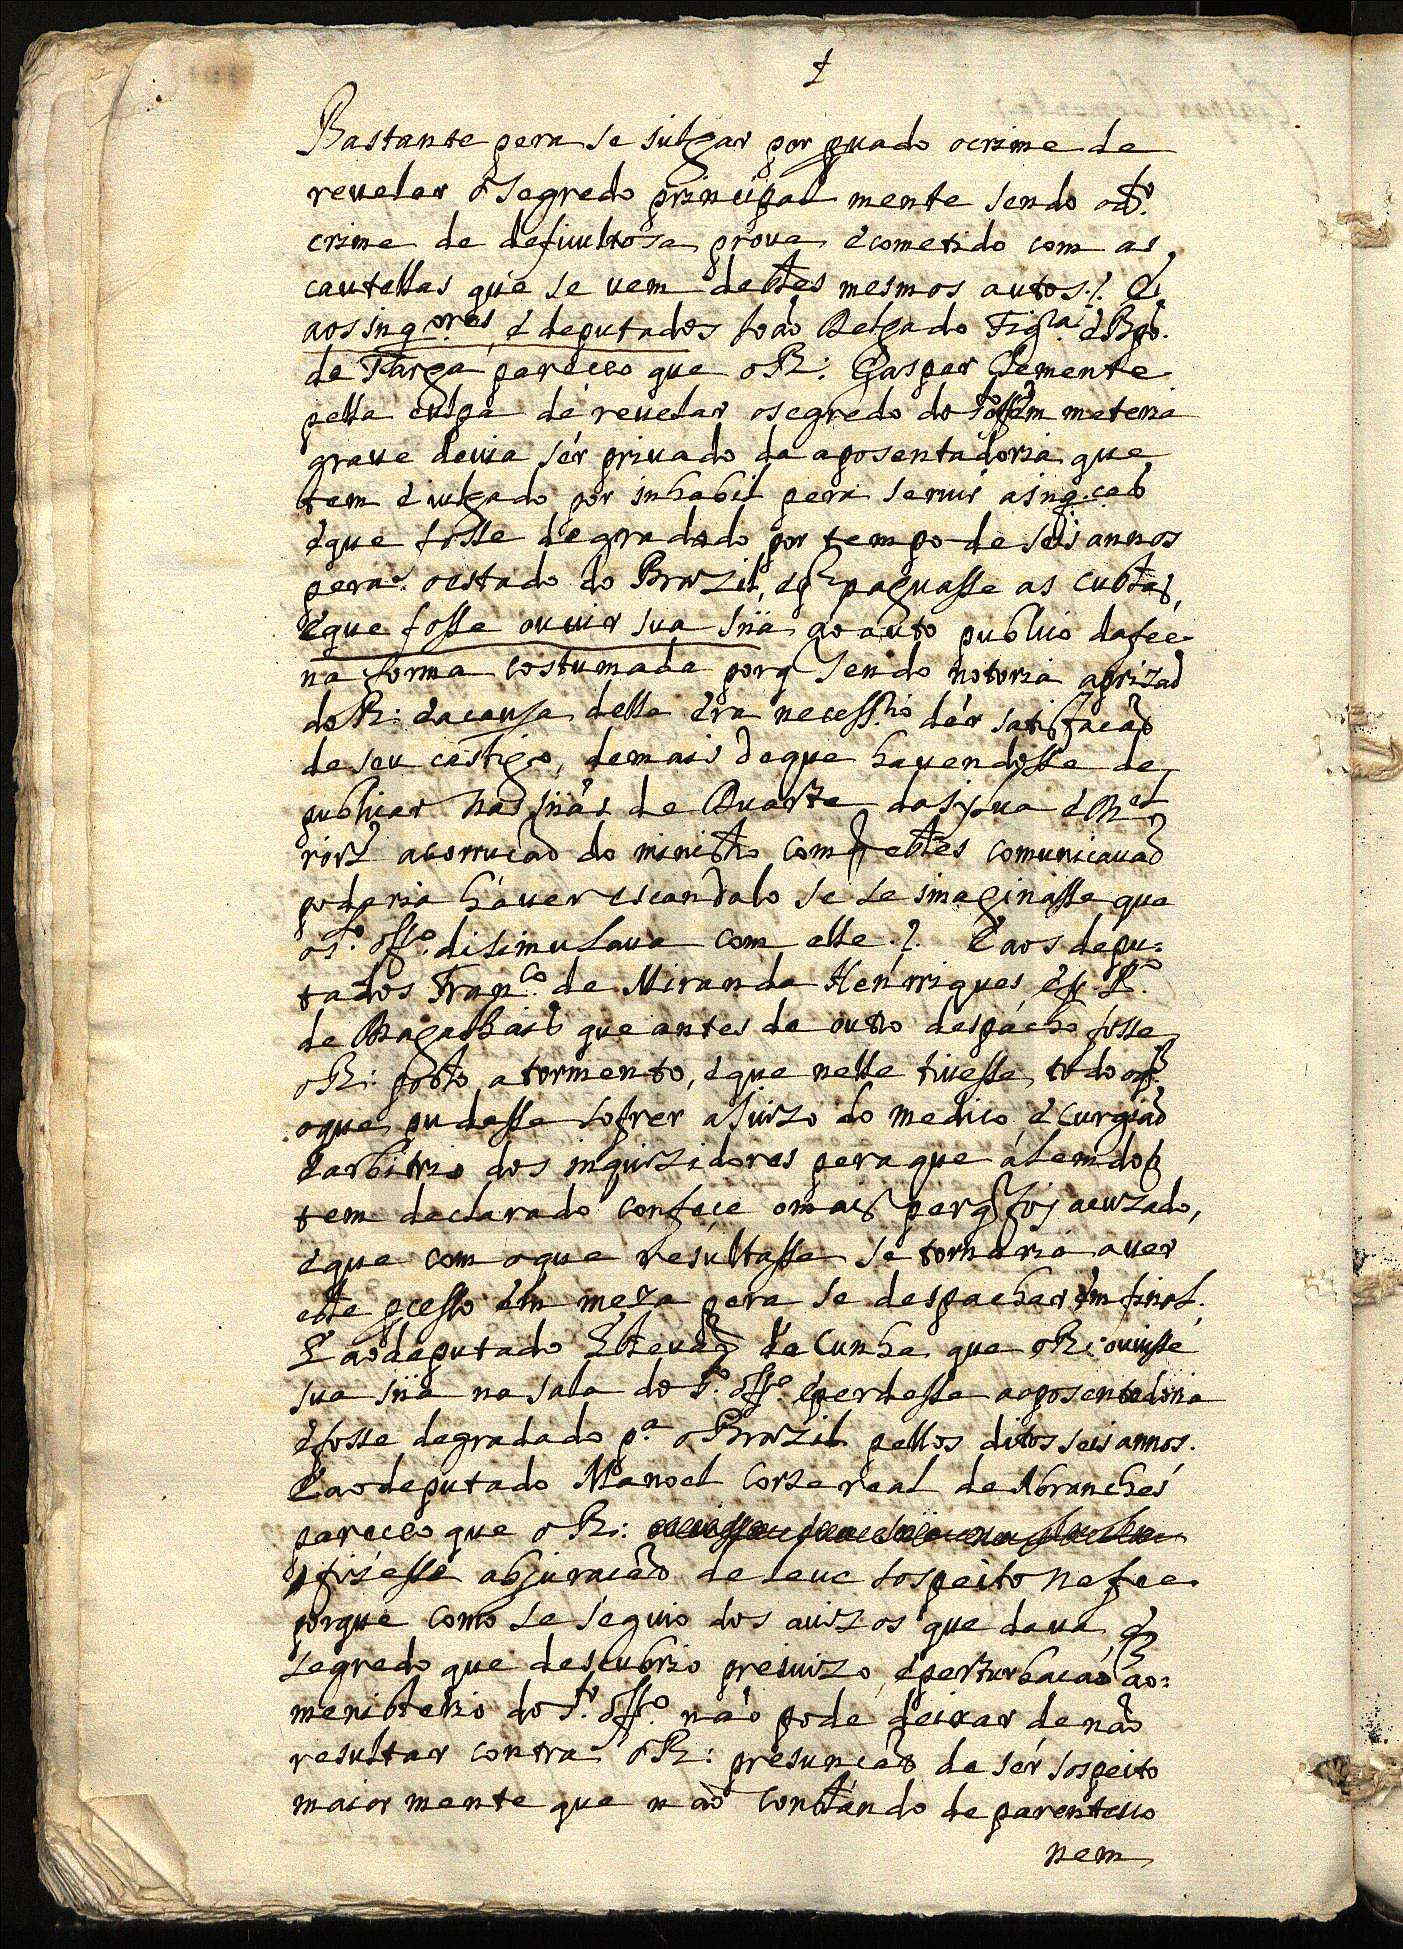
Bastante pera se iulgar por ꝓuado o crime de
reuelar o segredo principaLmente sendo o d̄.o
crime de deficultosa proua e cometido com as
cautellas que se uem destes mesmos autos./. e
aos inꝗ.ores, e deputados Ioão Delgado Fig.ra e Bpō
de Targa pareceo que o R: Gaspar Clemente
pella culpa de reuelar o segredo do sto offo em materia
graue deuia ser priuado de aposentadoria que
tem e iulgado por inhabil pera seruir a inꝗ.çaõ
e que fosse degradado por tempo de seis annos
pera o estado do Brazil, e q̄ paguasse as custas,
e que fosse ouuir sua snā ao auto publico da fee
na forma costumada porq̄ sendo notoria a prizaõ
do R: e a causa della era necess.rio dar satisfaçaõ
de seu castigo, de mais de que hauendosse de
publicar nas snās de Duarte da sylua e Mel
roiz̄ a corruçaõ do ministro com q̄ estes comunicauaõ
poderia hauer escandalo se se imaginasse que
o s.to off.o disimulaua com elle ./. e aos depu
tados Fran.co de Miranda Henrriques, e fr P.o
de Magalhaĩs que antes de outro despacho fosse
o R: posto a tormento, e que nelle tiuesse, todo o q̄
o que pudesse sofrer a Iuizo do medico, e curgiaõ
e arbitrio dos inquizidores pera que alem do q̄
tem declarado confece o mais por q̄ foi acuzado,
e que com o que resultasse se tornaria a uer
este ꝓcesso em meza para se despachar em final;
E ao deputado Esteuaõ da Cunha que o R. ouuisse
sua sn̄a na sala do s.to off.o e perdesse aposentadoria
e fosse degradado p.a o Brazil pellos ditos seis annos.
E ao deputado Manoel Corte real de Abranches
pareceo que o R:
fizesse abjuraçaõ de leue sospeito na fee
porque como se seguio dos auizos que daua e
segredo que descubrio preiuizo, e perturbaçaõ ao
menisterio do s.to off.o naõ pode deixar de naõ
resultar contra o R: presunçaõ de ser sospeito
maiormente que naõ constando de parentesco
nem
